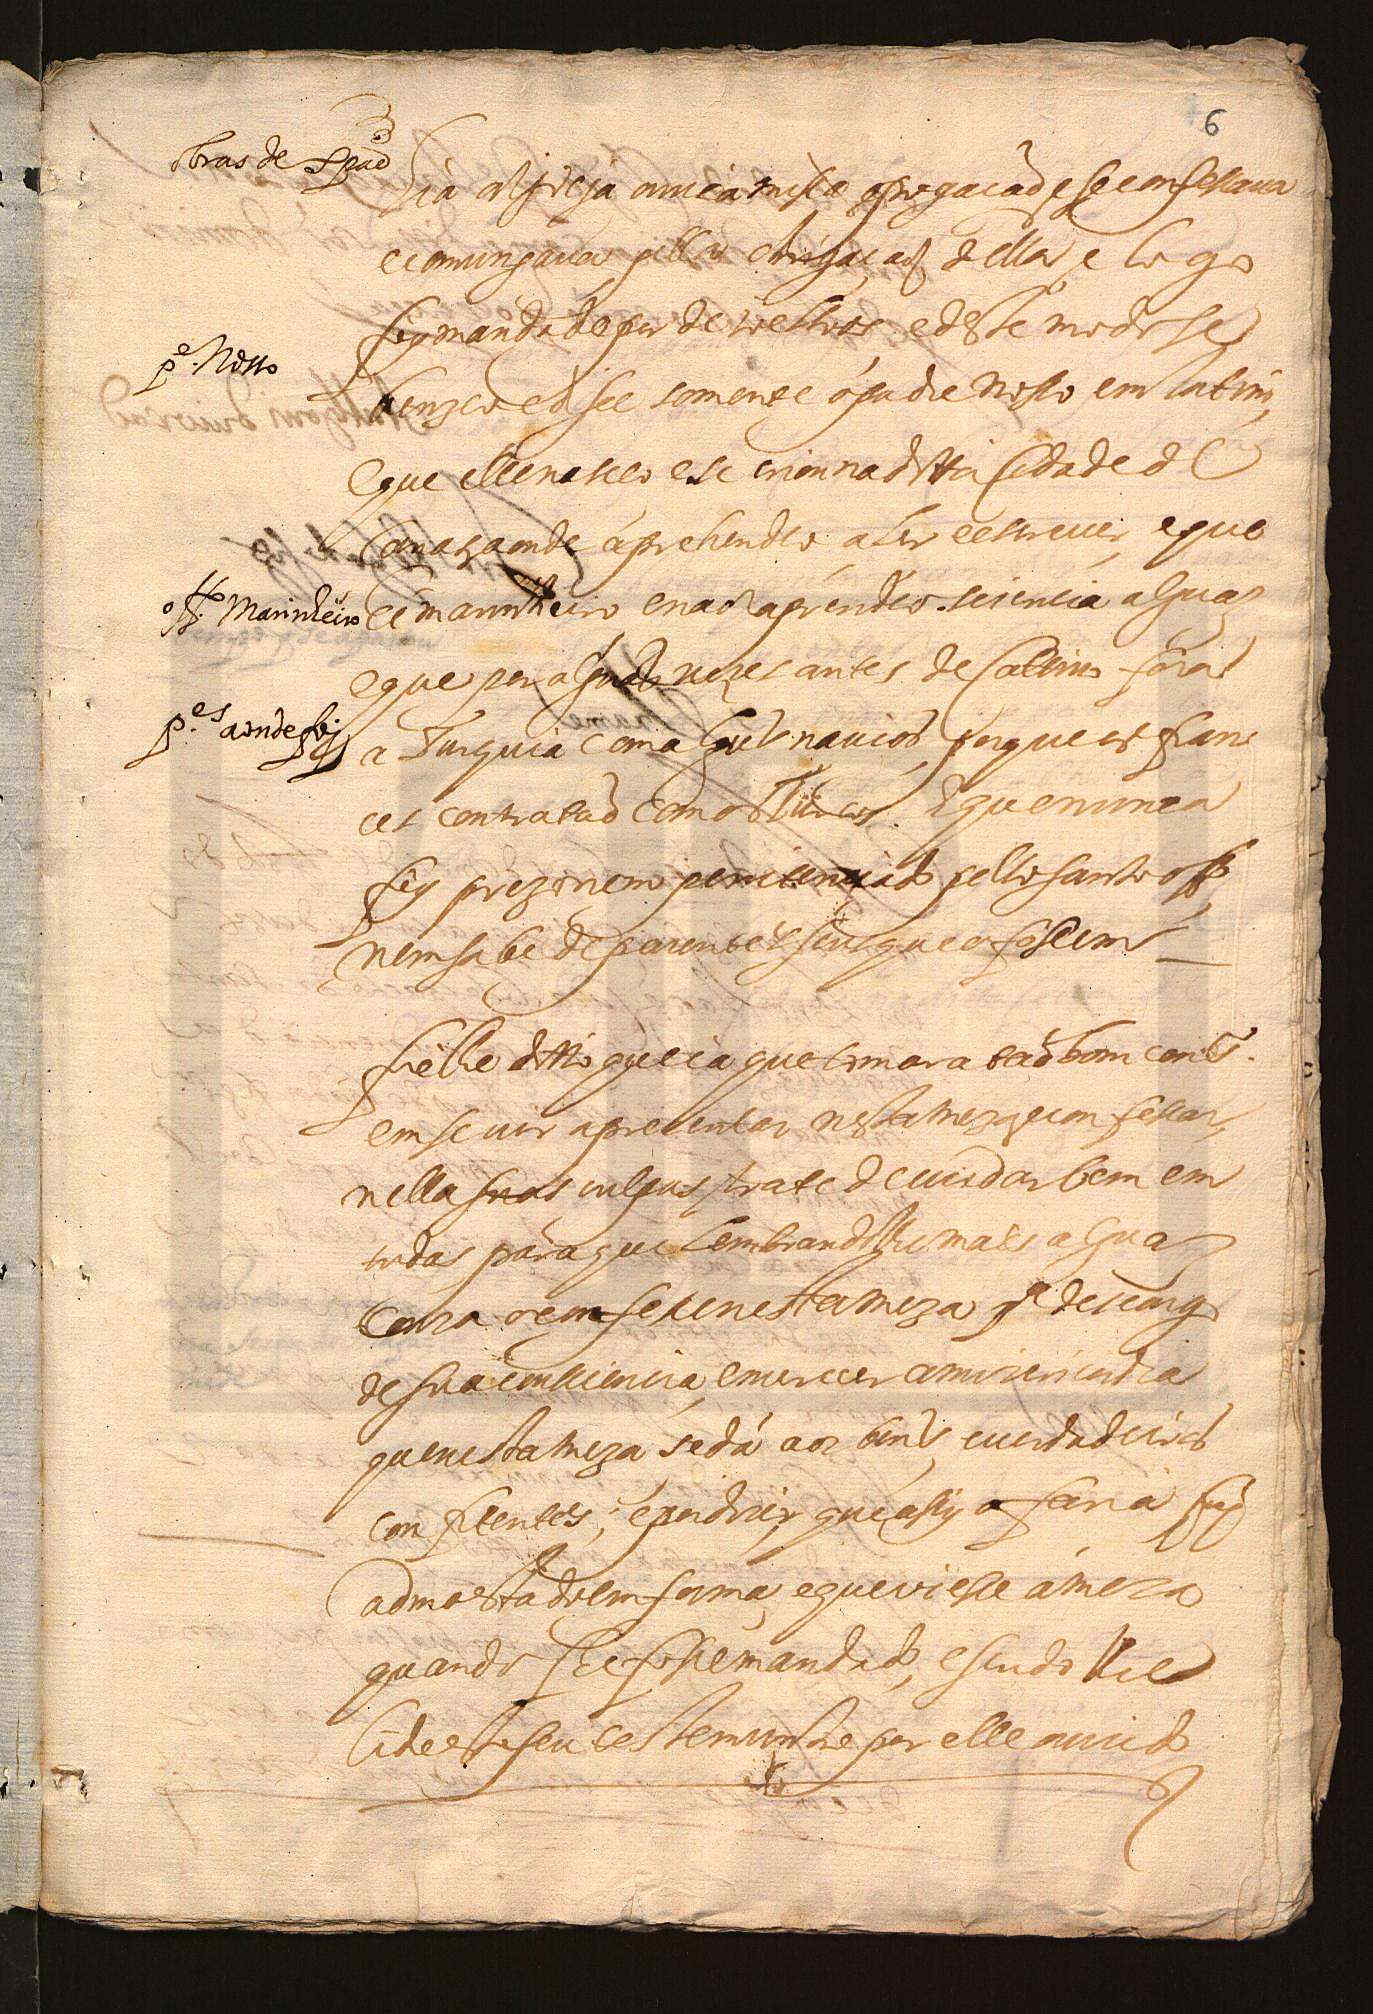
obras de xpaõ
hia a Igreja ouuia missa e pregaçaõ e se confessaua
e comungaua pella obrigaçaõ della, e logo
foy mandado por de ioelhos e deste modo se
pe. Nosso
benzeo e disse somente o padre nosso em latim,
e que elle nasceo e se criou na ditta Cidade de
Canas aonde aprehendeo a ler e escreuer, e que
off.o marinheiro
hé marinheiro e naõ aprendeo sciencia alguā
e que por alguās uezes antes de Cattiuo fora
p.es aonde foj
a Turquia com algūs nauios, porque os fran
ces contrataõ com os Turcos E que nunca
foy prezo nem penitenciado pello santo offo
nem sabe de parentes seus que o fossem
foilhe ditto que ia que tomara taõ bom conso
em se uir aprecentar nesta meza e confessar,
nella suas culpas trate de cuidar bem em
todas para que lembrandolhe mais alguā
couza o confesse nesta meza pa descargo
de sua consciencia, e merecer a mizericordia
que nesta meza se dá aos bons e uerdadeiros
confitentes; e por dizer que assy o faria foy
admoestado em forma, e que viesse a meza
quando lhe fosse mandado, e sendo lhe
lido este seu testemuho por elle ouuido
